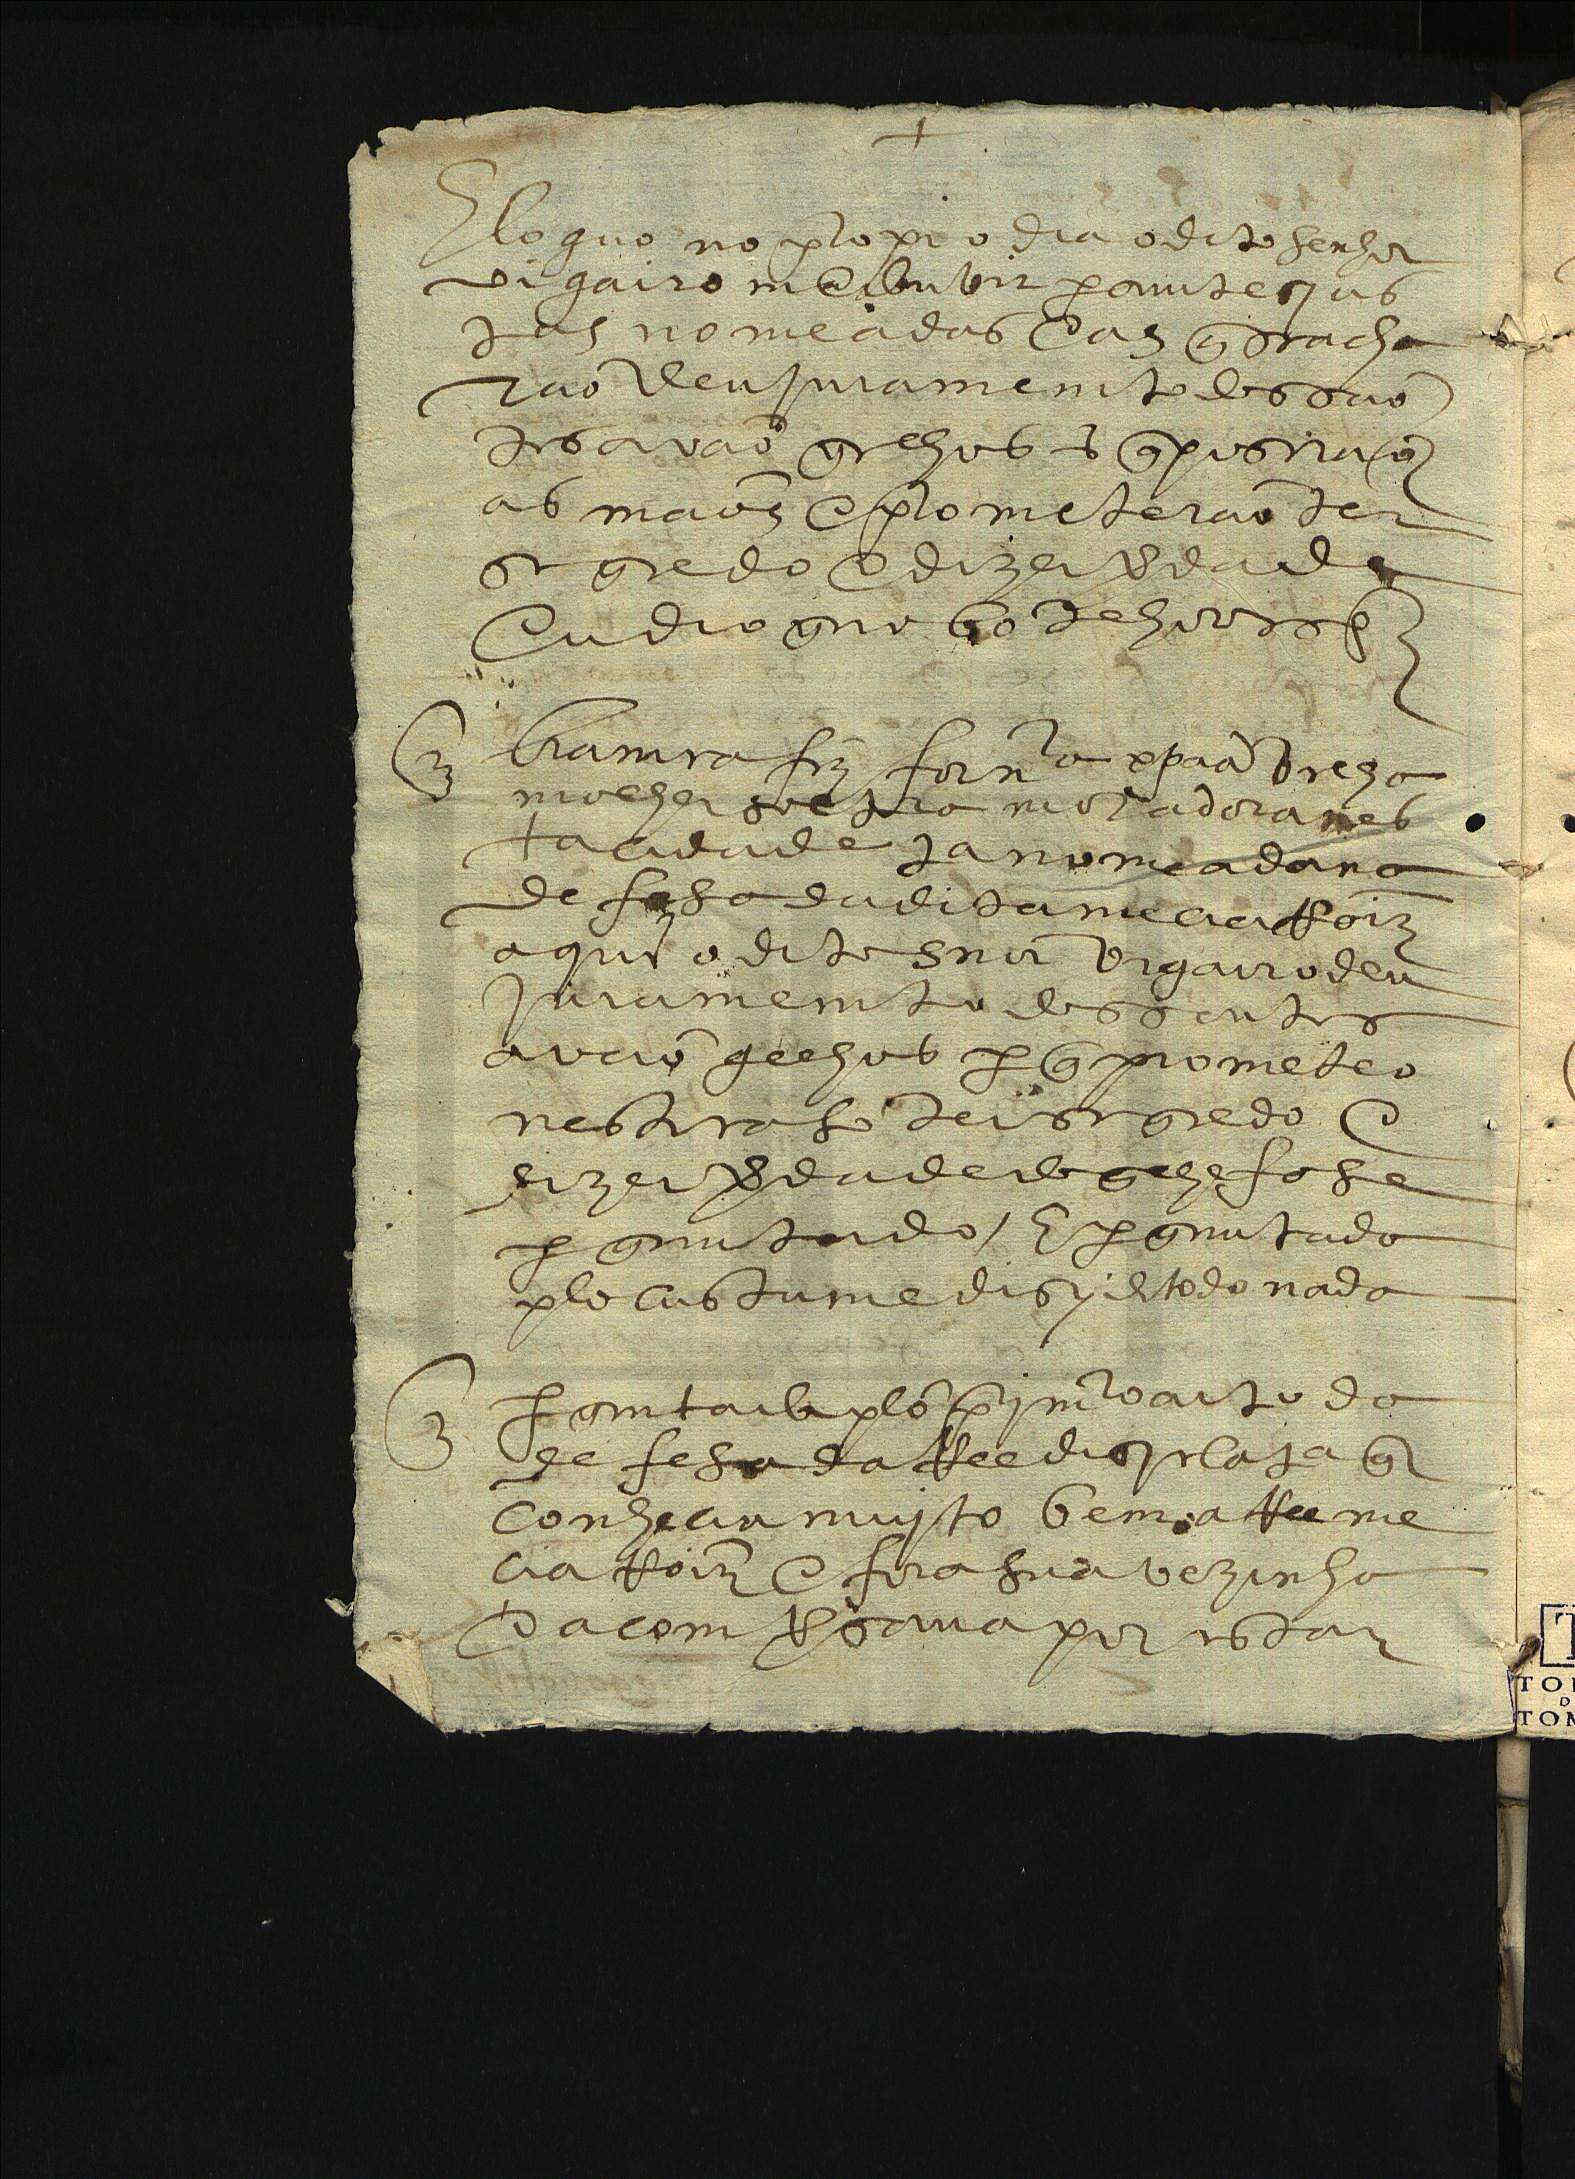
E loguo no propio dia o dito Senhor
vigairo mādou vir ꝑamte sj as
tas nomeadas e as q̄ se acha
raõ deu juramemto dos saõ
tos avaõgelhos ē q̄ poseraõ
as maõs e prometeraõ ter
segredo e dizer ꝟdade
eu dioguo botelho o esp̄j
item bramca frz̄ fornra xpaā velha
molher soltera moradora nes
ta cidade ta nomeada na
defesa da dita mecia Roīz
a quē o dito snor̄ vigairo deu
Juramemto dos santos
avaõgelhos ꝑ q̄ prometeo
neste caso ter segredo e
dizer ꝟdade do q̄ lhe fose
ꝑgumtado / E ꝑguntado
plo custume disy de todo nada
item ꝑguntada plō prjmro arto da
defesa da Ree disj ela ta q̄
conhecia mujto bem a Ree me
çia Roiz̄ e fora sua vezinha
e a comꝟsaua por estar
